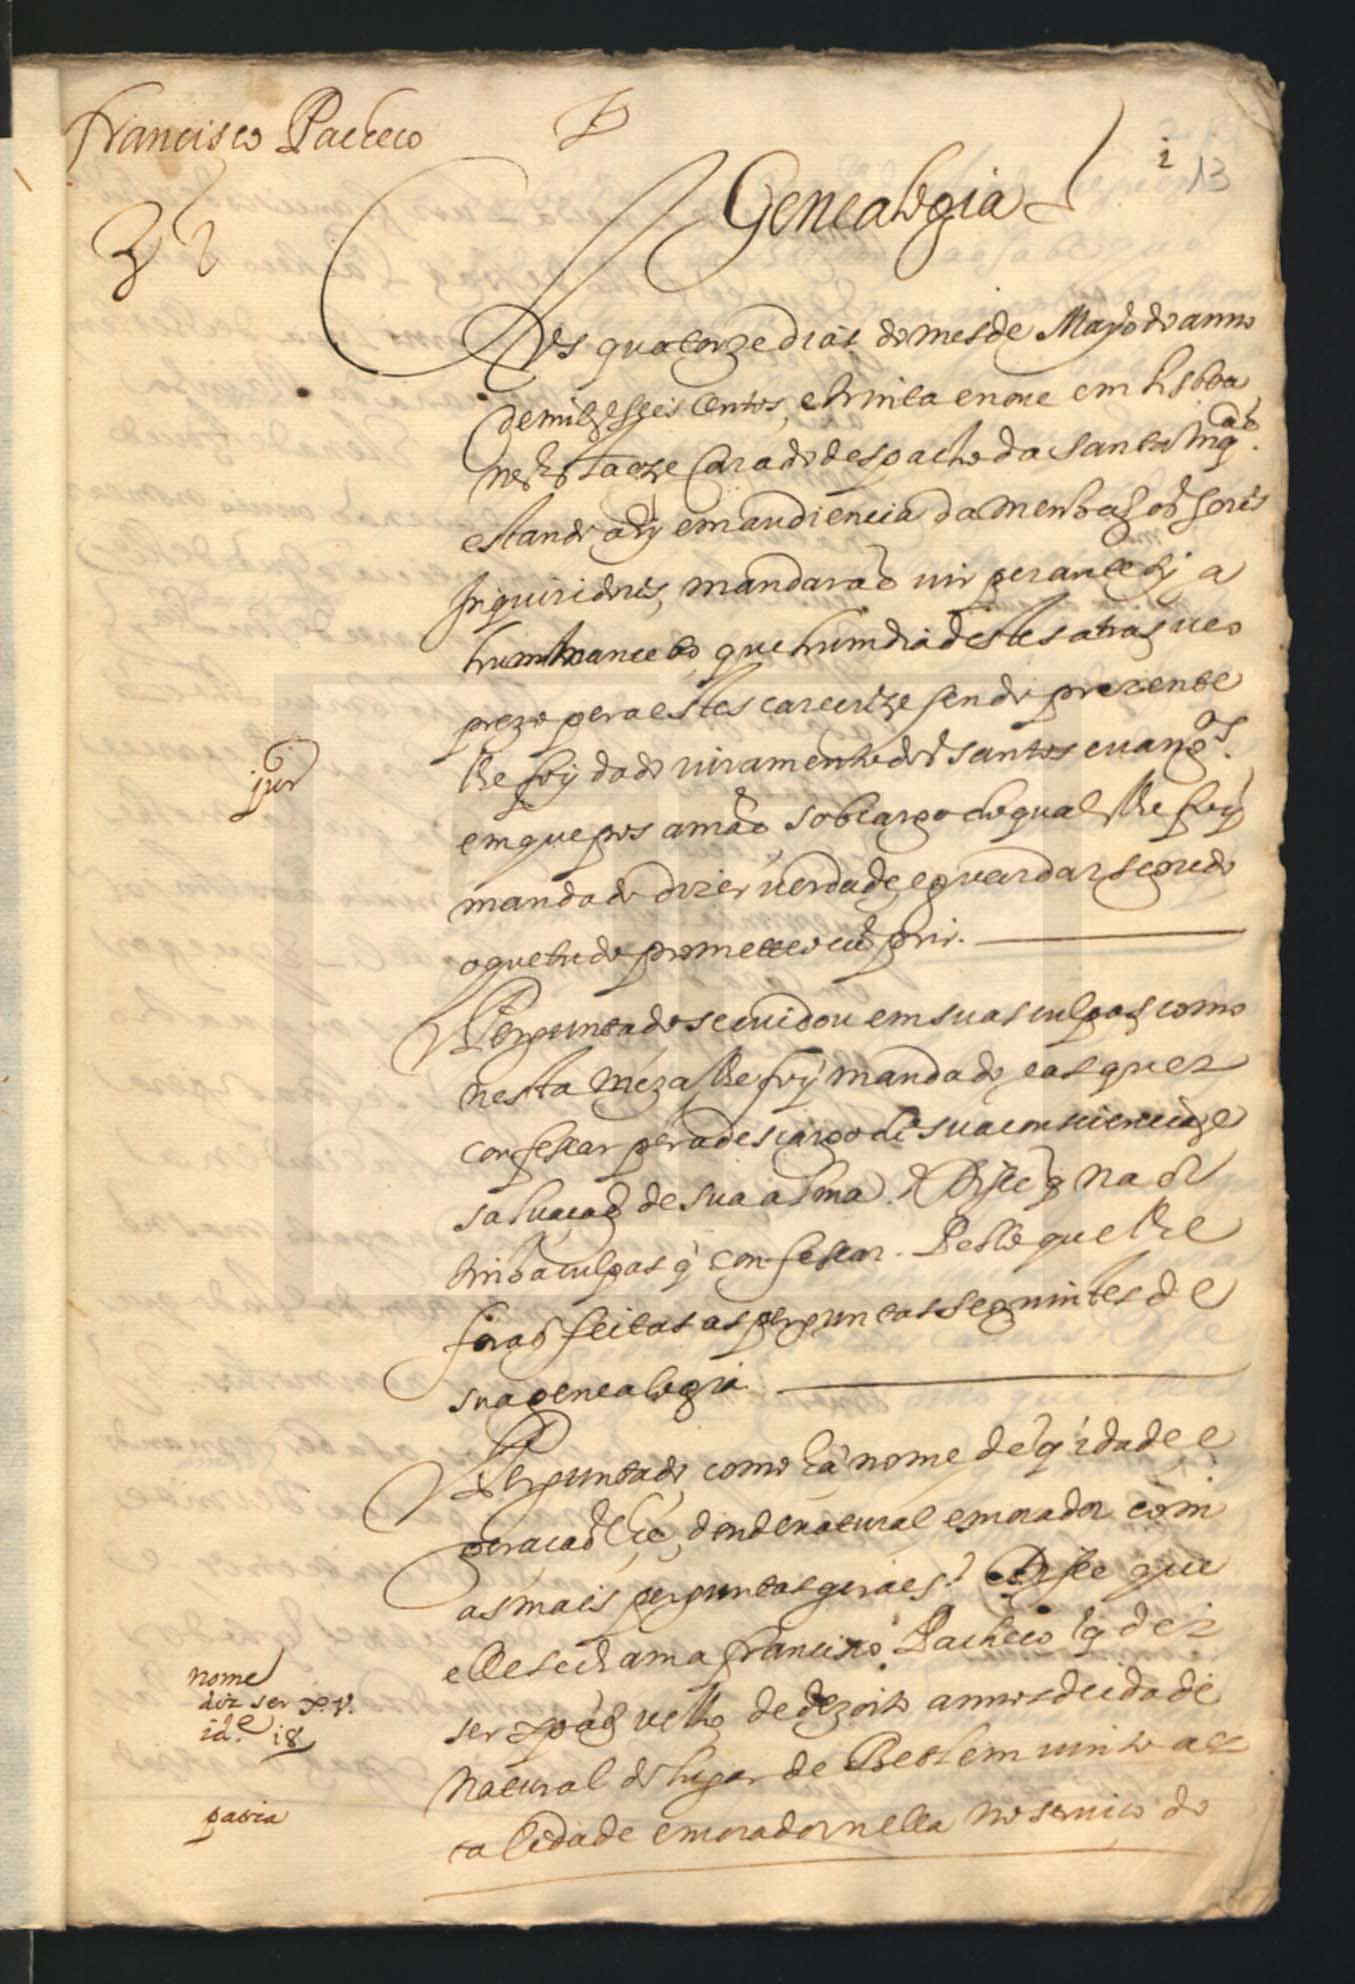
francisco Pacheco
33
nome
diz ser xv.
id.e i.8
patria
Genealogia
Os quatorze dias do mes de Mayo do anno
de mil e seiscentos, e trinta e noue em Lisboa
nos Estaos, e Caza do despacho da Santa Inq.çaõ
estando ahy em audiencia da menha hos Sores
Jnquizidores, mandaraõ uir perante sy a
hum mancebo que hum dia destes atras ueo
prezo pera estes carceres e sendo prezente
lhe foy dado uiramento dos santos euang.os
jur
em que pos a maõ, sob cargo do qual lhe foy
mandado dizer uerdade, e guardar segredo
o que tudo prometteo cūprir.
Perguntado se cuidou em suas culpas como
nesta mesa lhe foy mandado e as quer
confessar pera descargo de sua consciencia, e
saluaçaõ de sua alma. Disse q̄ naõ
tinha culpas q̄ confessar. Pello que lhe
foraõ feitas as perguntas seguintes de
sua genealogia.
Perguntado como há nome de q̄ idade e
geraçaõ hé donde natural e morador com
as mais perguntas geraes. Disse que
elle se chama francisco Pacheco q̄ dez
ser xpaõ uelho de dezoito anos de idade
natural do lugar de Betlem uinto a es
ta Cidade e morador nella no seruiço do
